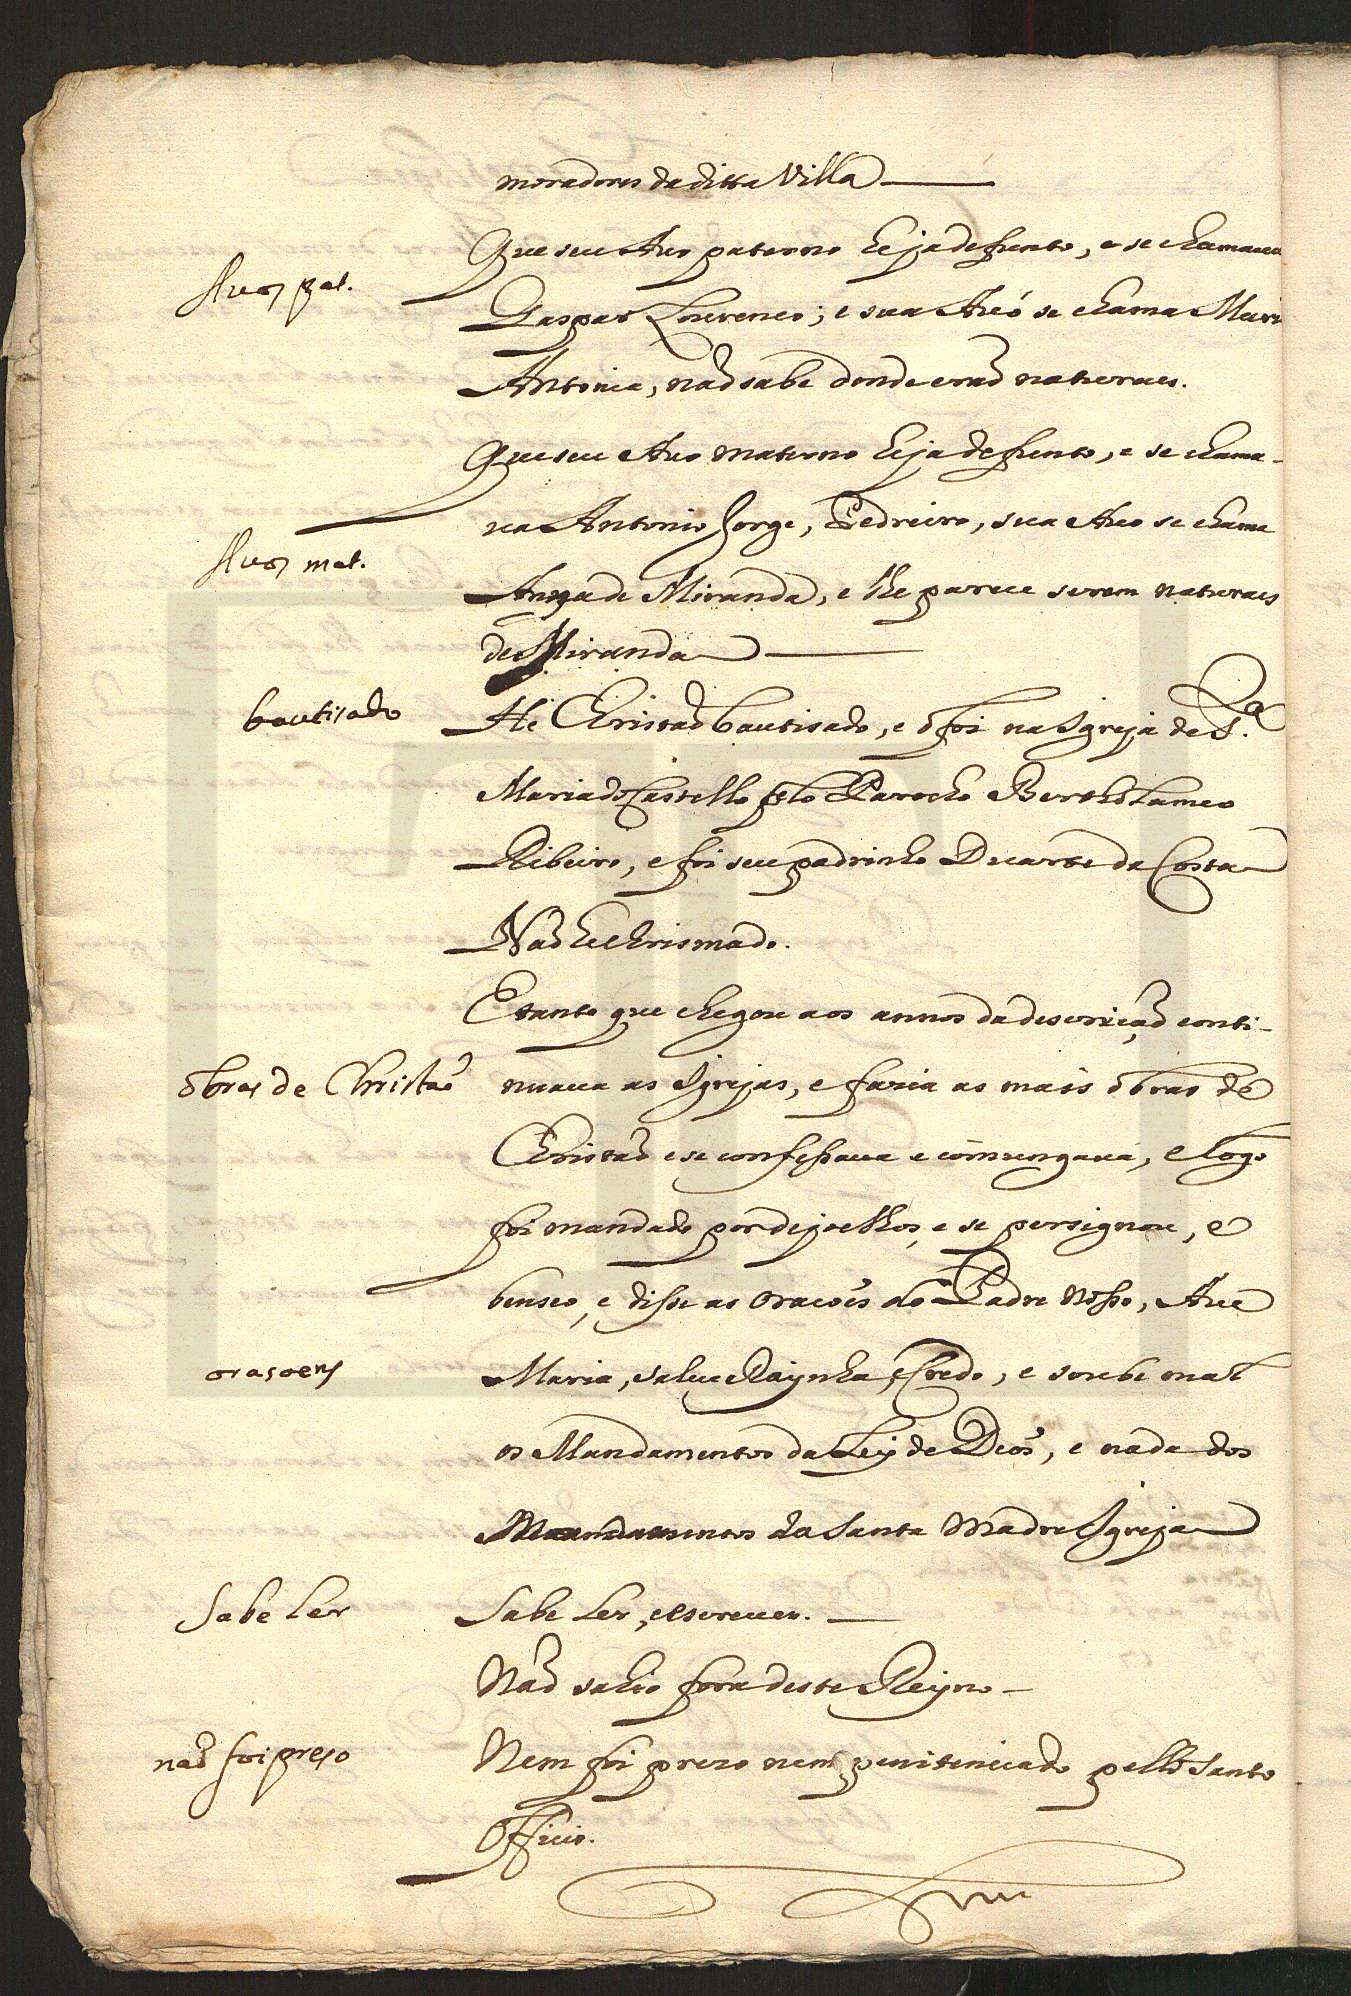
moradores da ditta Villa ‒
Que seu Auo paterno he ja defunto, e se chamaua
Gaspar Lourenco; e sua Auó se chama Mari_
Antonia, naõ sabe donde eraõ naturaes.
Que seu Auo materno he ja defunto, e se chama
ua Antonio Jorge, Pedreiro, sua Auo se chama
Anna de Miranda, e lhe parece serem naturaes
de Miranda
He Christaõ bautisado, e o foi na Igreja de S.ta
Maria do Castello pelo Parocho Bartholomeo
Ribeiro, e foi seu padrinho Duarte da Costa
Naõ he chrismado.
E tanto que chegou aos annos da descriçaõ conti
nuaua as Igrejas, e fazia as mais obras de
Christaõ e se confessaua e com̄ungaua, e logo
foi mandado por de joelhos, e se persignou, e
benseo, e disse as oracoes̄ do Padre nosso, Aue
Maria, salue Raynha, e Credo, e soube mal
os Mandamentos da Ley de Deos̄, e nada dos
Mandamentos da Santa Madre Igreja
Sabe ler, e escreuer.
Naõ sahio fora deste Reyno ‒
Nem foi prezo nem penitenciado pello santo
Officio.
Auos pat.
Auos mat.
bautisado
obras de Christaõ
orasoens
Sabe Ler
naõ foi preso
